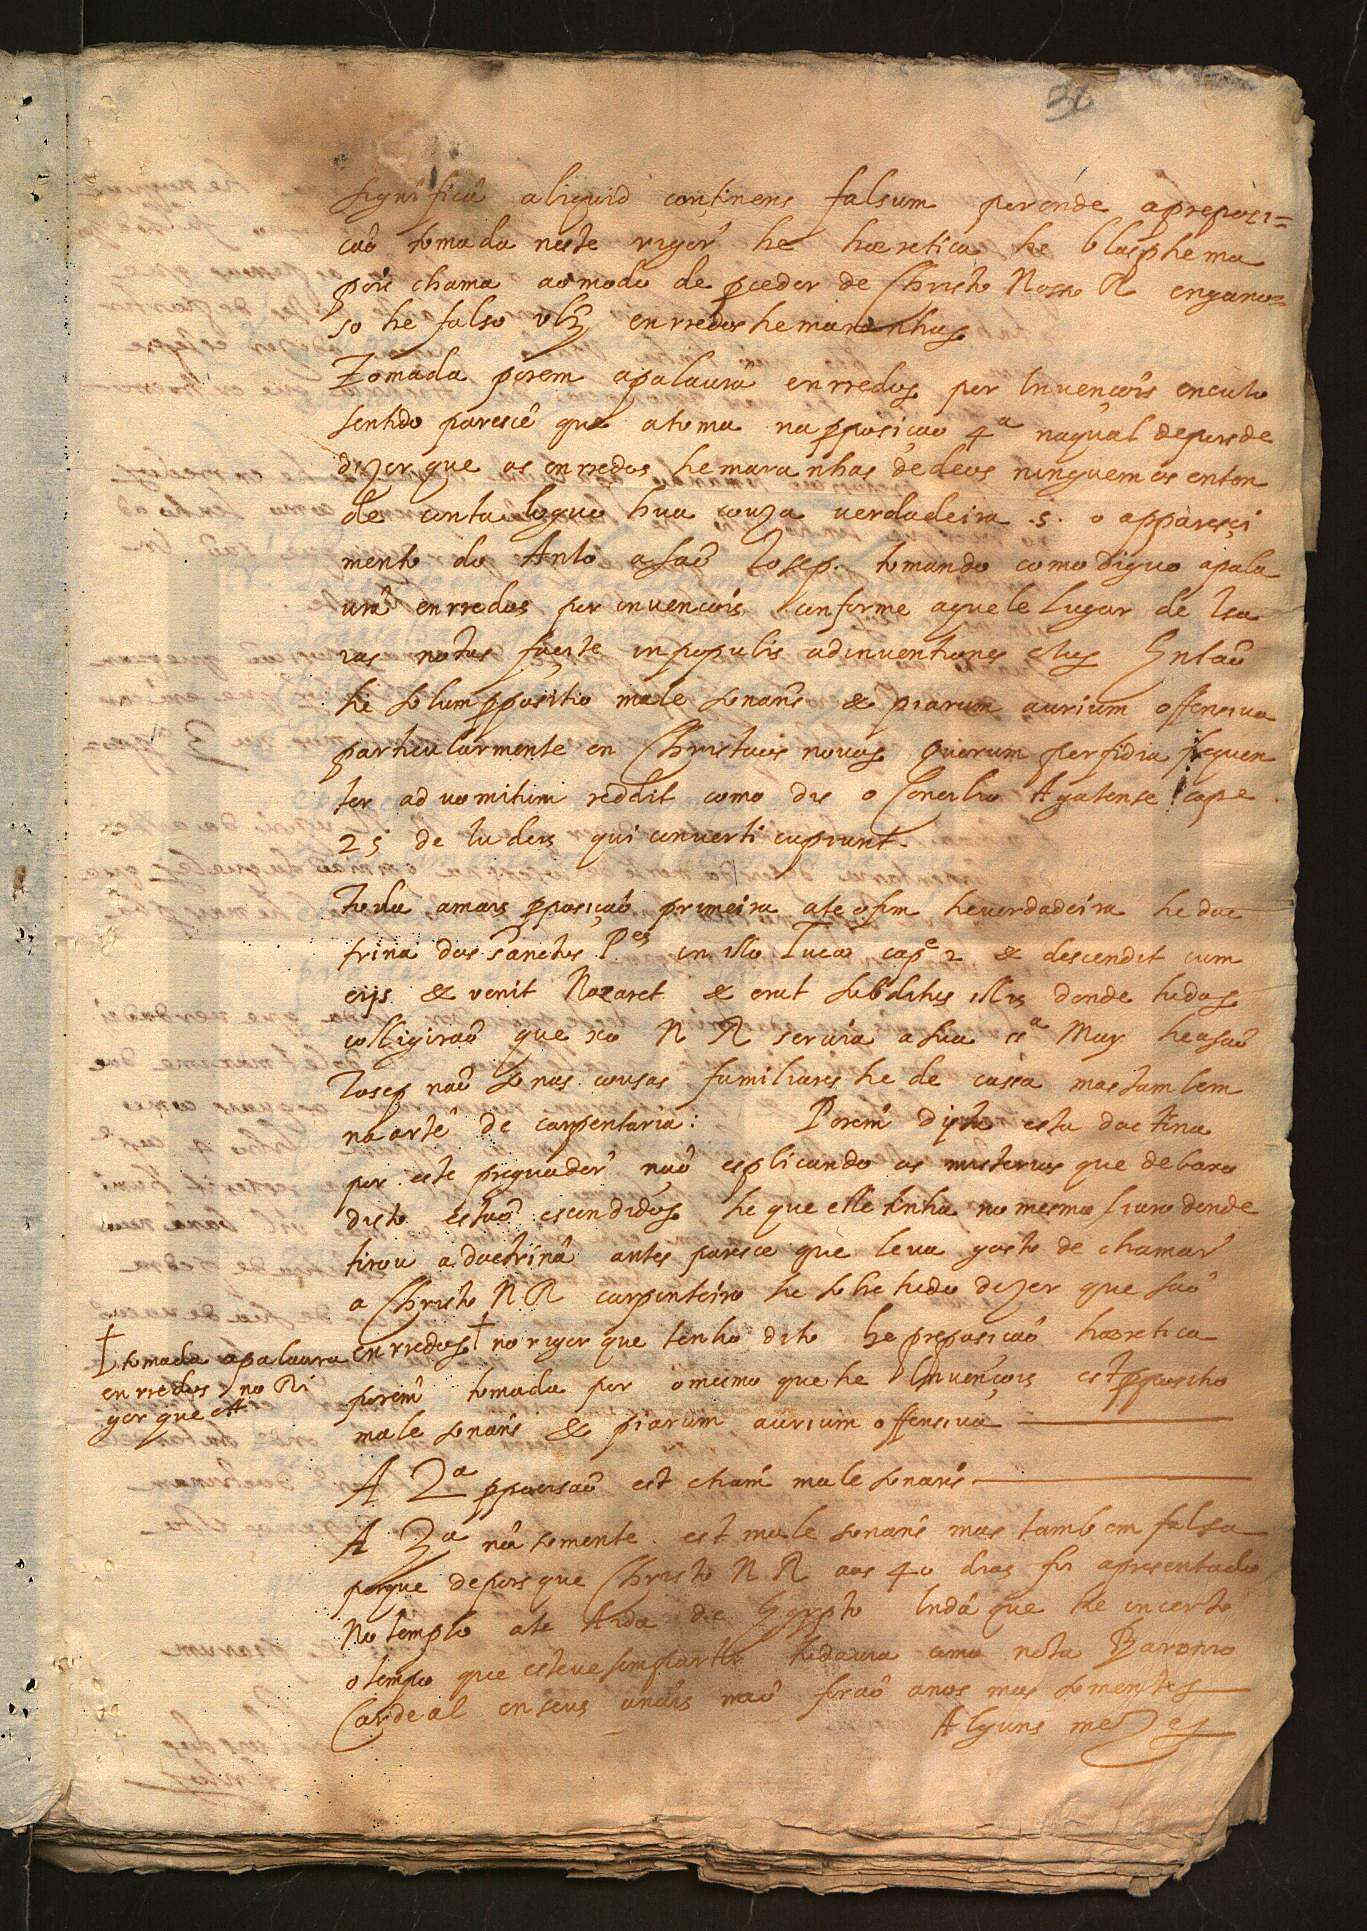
significa aliuio continens falsum perante a preposi
çaõ tomada neste rigor he heretica he basphema
pois chama ao modo de ꝓceder de Christo Nosso R engano
so he falso vlz̄ enrredos he maranhas
Tomada porem a palaura enrredos por Inuençoĩs en cuio
sentido parescē que a toma na ꝓposiçaõ 4a na qual depois de
dizer que os enrredos he maranhas de deos ninguem os enten
de conta loguo hua couza uerdadeira .s. o apparesci
mento do AnIo a saõ Iosep. tomando como diguo a pala
ura enrredos por inuençoĩs conforme aquele Lugar de Isa
ras notus fuerte inpopulis ad inuentiones eIus Entaõ
he solum ꝓpositio male sonans & piarum aurium offensiua
particularmente en Christans nouus Quorum perfidia, frequen
ter ad uomitum reddit como dis o Concilio Agatense cape
25 de Iudeis qui conuerti cupiunt.
Toda a mais ꝓposiçaõ primeira ate o fim he uerdadeira he dou
trina dos sanctos P.es in illo Luca cape 2 & descendit cum
eijs & venit Nazaret & erat Subditus illis donde todas
colligiraõ que xo N Sr seruia a sua ssa May he a saõ
Iosep naõ so nas cousas familiares he de cassa mas tambem
na arte de carpentaria: Porem dista esta doctrina
por este preguador naõ esplicando os misterios que debaxo
disto estaõ escondidos he que elle tinha no mesmo liuro donde
tirou a doctrina antes parece que leua gosto de chamar
a Christo N Sr carpinteiro he sobretudo dizer que saõ
enrredos + no rigor que tenho dito he preposiçaõ heretica
+ tomada a palaura
enrredos no Ri
gor que ett
porem tomada por o mesmo que he Inuençoĩs est ꝓpositio
male sonans & piarum aurium offensiua
A 2a ꝓpocisaõ est cham male sonans
A 3a nā somente est male sonans mas tambem falsa
porque depois que Christo N R aos 40 dias foi apresentado
No templo ate A ida de Egypto Inda que he incerto
o tempo que esteue sem partir todauia como nesta Baronio
Cardeal en seus anais naõ foraõ anos mas somentes
Alguns mezes
